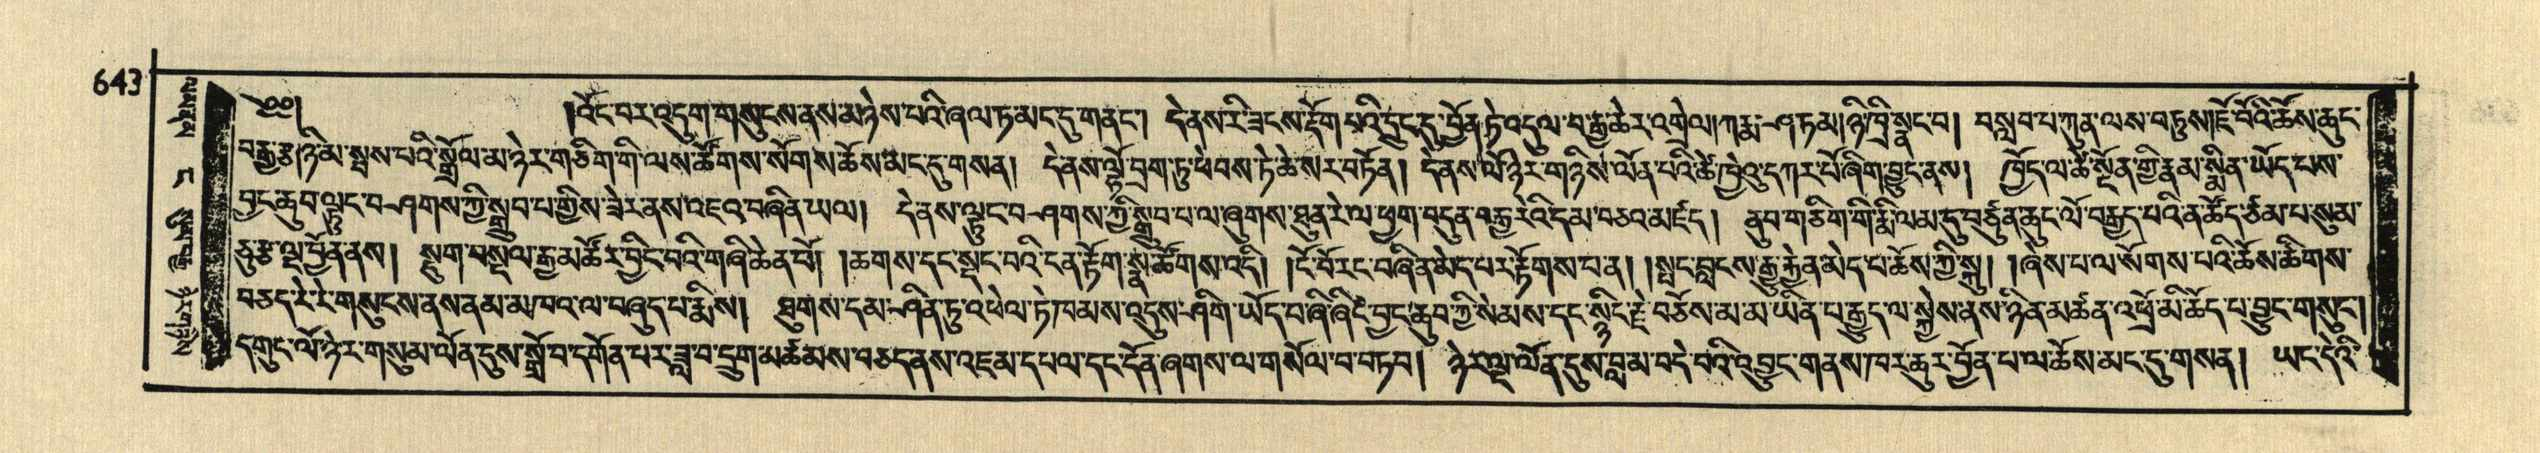༄༅། །འོང་བར་འདུག་གསུངས་ནས་མཉེས་པའི་ཞལ་ཏ་མང་དུ་གནང་། དེ་ནས་རི་ཟངས་རྡོག་པའི་དྲུང་དུ་བྱོན་ཏེ་འདུལ་བ་རྒྱ་ཆེར་འགྲེལ། ཀརྨ་ཤ་ཏམ། ཉི་ཁྲི་སྣང་བ། བསླབ་པ་ཀུན་ལས་བཏུས། ཇོ་བོའི་ཆོས་ཆུང་
བརྒྱ་རྩ། ཉི་མ་སྦས་པའི་སྒྲོལ་མ་ཉེར་གཅིག་གི་ལས་ཚོགས་སོགས་ཆོས་མང་དུ་གསན། དེ་ནས་ལྷོ་བྲག་ཏུ་ཕེབས་ཏེ་ཆེ་སར་བཏོན། དེ་ནས་ལོ་ཉེར་གཉིས་ལོན་པའི་ཚེ་ཁྱེའུ་དཀར་པོ་ཞིག་བྱུང་ནས། ཁྱོད་ལ་ཚེ་སྔོན་གྱི་རྣམ་སྨིན་ཡོད་པས་
བྱང་ཆུབ་ལྟུང་བཤགས་ཀྱི་སྒྲུབ་པ་གྱིས་ཟེར་ནས་འཇའ་བཞིན་ཡལ། དེ་ནས་ལྟུང་བཤགས་ཀྱི་སྒྲུབ་པ་ལ་ཞུགས་ཐུན་རེ་ལ་ཕྱག་བདུན་བརྒྱ་རེའི་དམ་བཅའ་མཛད། ནུབ་གཅིག་གི་རྨི་ལམ་དུ་བཙུན་ཆུང་ལོ་བརྒྱད་པའི་ན་ཚོད་ཙམ་པ་སུམ་
ཅུ་རྩ་ལྔ་བྱོན་ནས། སྡུག་བསྔལ་རྒྱ་མཚོར་བྱིང་བའི་གཞི་ཆེན་པོ། །ཆགས་དང་སྡང་བའི་ངན་རྟོག་སྣ་ཚོགས་འདི། །ངོ་བོ་རང་བཞིན་མེད་པར་རྟོགས་པ་ན། །སྤང་བླངས་རྒྱུ་རྐྱེན་མེད་པ་ཆོས་ཀྱི་སྐུ། །ཞེས་པ་ལ་སོགས་པའི་ཆོས་ཚིགས་
བཅད་རེ་རེ་གསུངས་ནས་ནམ་མཁའ་ལ་བཞུད་པ་རྨིས། ཐུགས་དམ་ཤིན་ཏུ་འཕེལ་ཏེ་ཁམས་འདུས་ཤིག་ཡོད་བ་ཞི་ཞིང་བྱང་ཆུབ་ཀྱི་སེམས་དང་སྙིང་རྗེ་བཅོས་མ་མ་ཡིན་པ་རྒྱུད་ལ་སྐྱེས་ནས་ཉིན་མཚན་འཕྲོ་མི་ཆོད་པ་བྱུང་གསུང་།
དགུང་ལོ་ཉེར་གསུམ་ལོན་དུས་སྒྲོ་བ་དགོན་པར་ཟླ་བ་དྲུག་མཚམས་བཅད་ནས་འཇམ་དཔལ་དང་དོན་ཞགས་ལ་གསོལ་བ་བཏབ། ཉེར་ལྔ་ལོན་དུས་བླ་མ་བདེ་བའི་འབྱུང་གནས་ཁར་ཆུར་བྱོན་པ་ལ་ཆོས་མང་དུ་གསན། ཡང་དེའི་